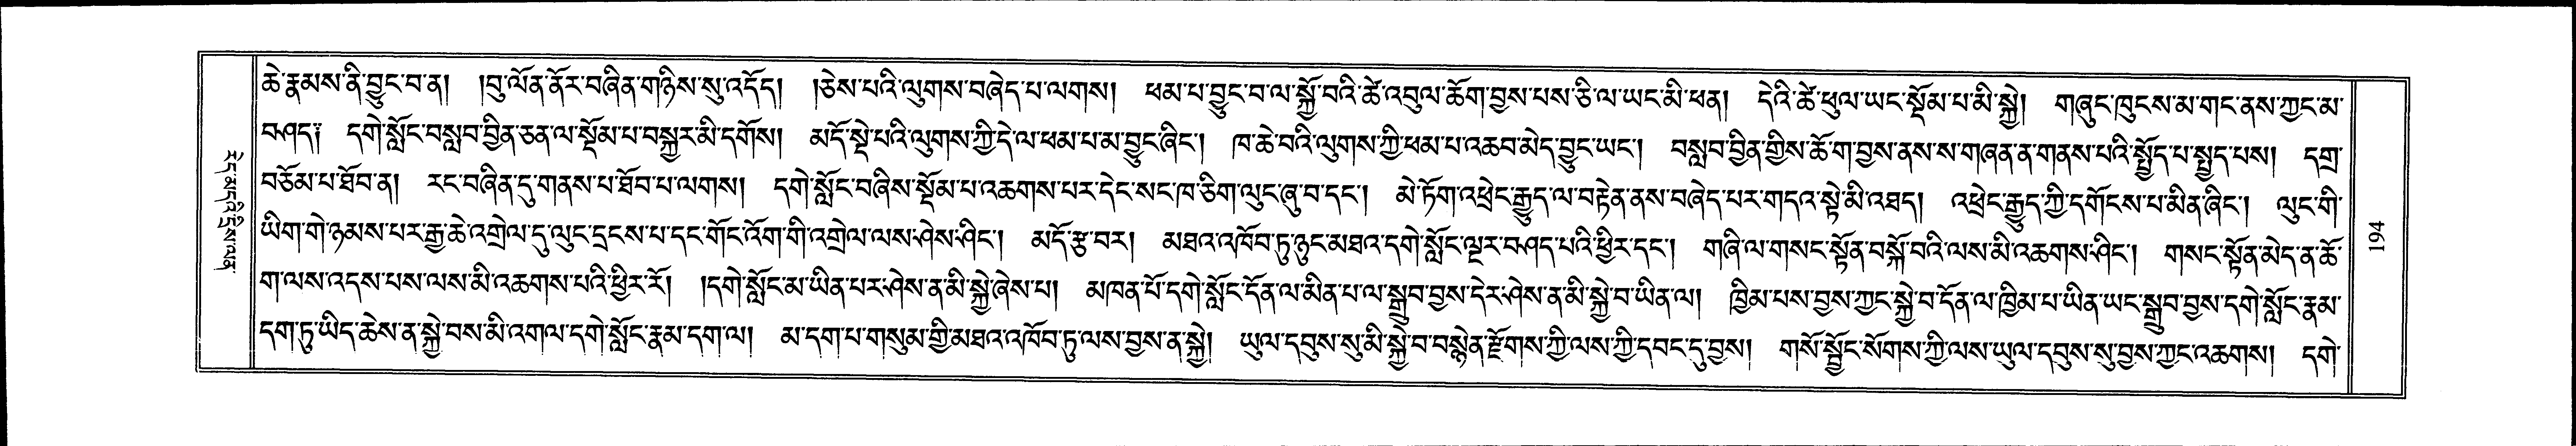ཆེ་རྣམས་ནི་བྱུང་བ་ན། །བུ་ལོན་ནོར་བཞིན་གཉིས་སུ་འདོད། །ཅེས་པའི་ལུགས་བཞེད་པ་ལགས། ཕམ་པ་བྱུང་བ་ལ་སྐྱོ་བའི་ཚེ་འབུལ་ཆོག་བྱས་པས་ཅི་ལ་ཡང་མི་ཕན། དེའི་ཚེ་ཕུལ་ཡང་སྡོམ་པ་མི་སྐྱེ། གཞུང་ཁུངས་མ་གང་ནས་ཀྱང་མ་
བཤད། དགེ་སློང་བསླབ་བྱིན་ཅན་ལ་སྡོམ་པ་བསྐྱར་མི་དགོས། མདོ་སྡེ་པའི་ལུགས་ཀྱི་དེ་ལ་ཕམ་པ་མ་བྱུང་ཞིང་། ཁ་ཆེ་བའི་ལུགས་ཀྱི་ཕམ་པ་འཆབ་མེད་བྱུང་ཡང་། བསླབ་བྱིན་གྱིས་ཆོ་ག་བྱས་ནས་ས་གཞན་ན་གནས་པའི་སྤྱོད་པ་སྤྱད་པས། དགྲ་
བཅོམ་པ་ཐོབ་ན། རང་བཞིན་དུ་གནས་པ་ཐོབ་པ་ལགས། དགེ་སློང་བཞིས་སྡོམ་པ་འཆགས་པར་དེང་སང་ཁ་ཅིག་ལུང་ཞུ་བ་དང་། མེ་ཏོག་འཕྲེང་རྒྱུད་ལ་བརྟེན་ནས་བཞེད་པར་གདའ་སྟེ་མི་འཐད། འཕྲེང་རྒྱུད་ཀྱི་དགོངས་པ་མིན་ཞིང་། ལུང་གི་
ཡིག་གེ་ཉམས་པར་རྒྱ་ཆེ་འགྲེལ་དུ་ལུང་དྲངས་པ་དང་གོང་འོག་གི་འགྲེལ་ལས་ཤེས་ཤིང་། མདོ་རྩ་བར། མཐའ་འཁོབ་ཏུ་ཉུང་མཐའ་དགེ་སློང་ལྔར་བཤད་པའི་ཕྱིར་དང་། གཞི་ལ་གསང་སྟོན་བསྐོ་བའི་ལས་མི་འཆགས་ཤིང་། གསང་སྟོན་མེད་ན་ཆོ་
ག་ལས་འདས་པས་ལས་མི་འཆགས་པའི་ཕྱིར་རོ། །དགེ་སློང་མ་ཡིན་པར་ཤེས་ན་མི་སྐྱེ་ཞེས་པ། མཁན་པོ་དགེ་སློང་དོན་ལ་མིན་པ་ལ་སྒྲུབ་བྱས་དེར་ཤེས་ན་མི་སྐྱེ་བ་ཡིན་ལ། ཁྱིམ་པས་བྱས་ཀྱང་སྐྱེ་བ་དོན་ལ་ཁྱིམ་པ་ཡིན་ཡང་སྒྲུབ་བྱས་དགེ་སློང་རྣམ་
དག་ཏུ་ཡིད་ཆེས་ན་སྐྱེ་བས་མི་འགལ་དགེ་སློང་རྣམ་དག་ལ། མ་དག་པ་གསུམ་གྱི་མཐའ་འཁོབ་ཏུ་ལས་བྱས་ན་སྐྱེ། ཡུལ་དབུས་སུ་མི་སྐྱེ་བ་བསྙེན་རྫོགས་ཀྱི་ལས་ཀྱི་དབང་དུ་བྱས། གསོ་སྦྱོང་སོགས་ཀྱི་ལས་ཡུལ་དབུས་སུ་བྱས་ཀྱང་འཆགས། དགེ་